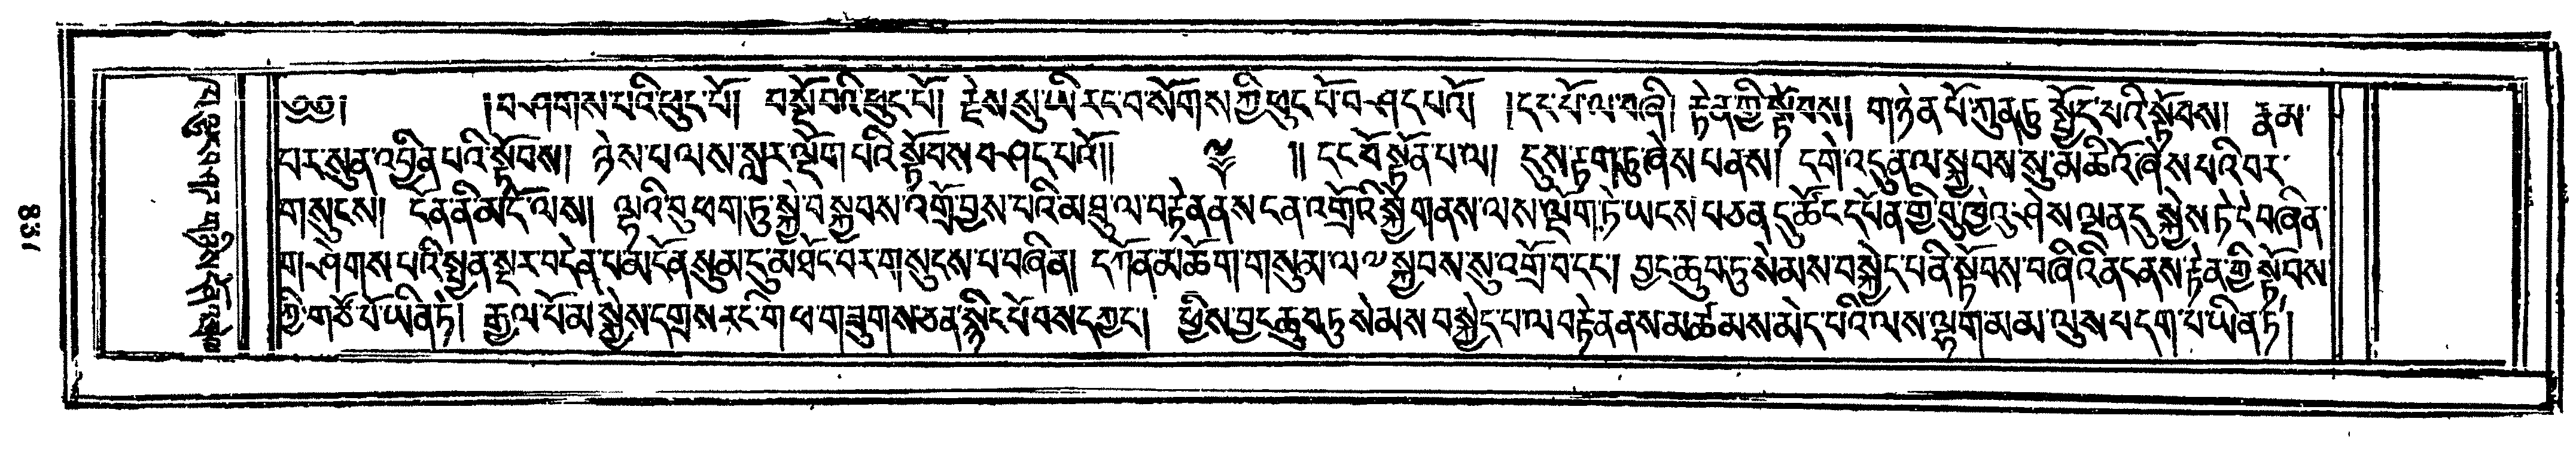༄༅། །བཤགས་པའི་ཕུང་པོ། བསྔོ་བའི་ཕུང་པོ། རྗེས་སུ་ཡི་རང་བ་སོགས་ཀྱི་ཕུང་པོ་བཤད་པའོ། །དང་པོ་ལ་བཞི། རྟེན་གྱི་སྟོབས། གཉེན་པོ་ཀུན་ཏུ་སྤྱོད་པའི་སྟོབས། རྣམ་
པར་སུན་འབྱིན་པའི་སྟོབས། ཉེས་པ་ལས་སླར་ལྡོག་པའི་སྟོབས་བཤད་པའོ།། ༈ །།དང་པོ་སྟོན་པ་ལ། དུས་རྟག་ཏུ་ཞེས་པ་ནས། དགེ་འདུན་ལ་སྐྱབས་སུ་མཆིའོ་ཞེས་པའི་བར་
གསུངས། དོན་ནི་མདོ་ལས། ལྷའི་བུ་ཕག་ཏུ་སྐྱེ་བ་སྐྱབས་འགྲོ་བྱས་པའི་མཐུ་ལ་བརྟེན་ནས་ངན་འགྲོའི་སྐྱེ་གནས་ལས་ལྡོག་ཏེ་ཡངས་པ་ཅན་དུ་ཚོང་དཔོན་གྱི་བུ་ཁྱེའུ་ཤེས་ལྡན་དུ་སྐྱེ་ཏེ་དེ་བཞིན་
གཤེགས་པའི་སྤྱན་སྔར་བདེན་པ་མངོན་སུམ་དུ་མཐོང་བར་གསུངས་པ་བཞིན། དཀོན་མཆོག་གསུམ་ལ་༧་སྐྱབས་སུ་འགྲོ་བ་དང་། བྱང་ཆུབ་ཏུ་སེམས་བསྐྱེད་པ་ནི་སྟོབས་བཞིའི་ནང་ནས་རྟེན་གྱི་སྟོབས་
ཀྱི་གཙོ་པོ་ཡིན་ཏེ། རྒྱལ་པོ་མ་སྐྱེས་དགྲས་རང་གི་ཕ་གཟུགས་ཅན་སྙིང་པོ་བསད་ཀྱང་། ཕྱིས་བྱང་ཆུབ་ཏུ་སེམས་བསྐྱེད་པ་ལ་བརྟེན་ནས་མཚམས་མེད་པའི་ལས་ལྷག་མ་མ་ལུས་པ་དག་པ་ཡིན་ཏེ།